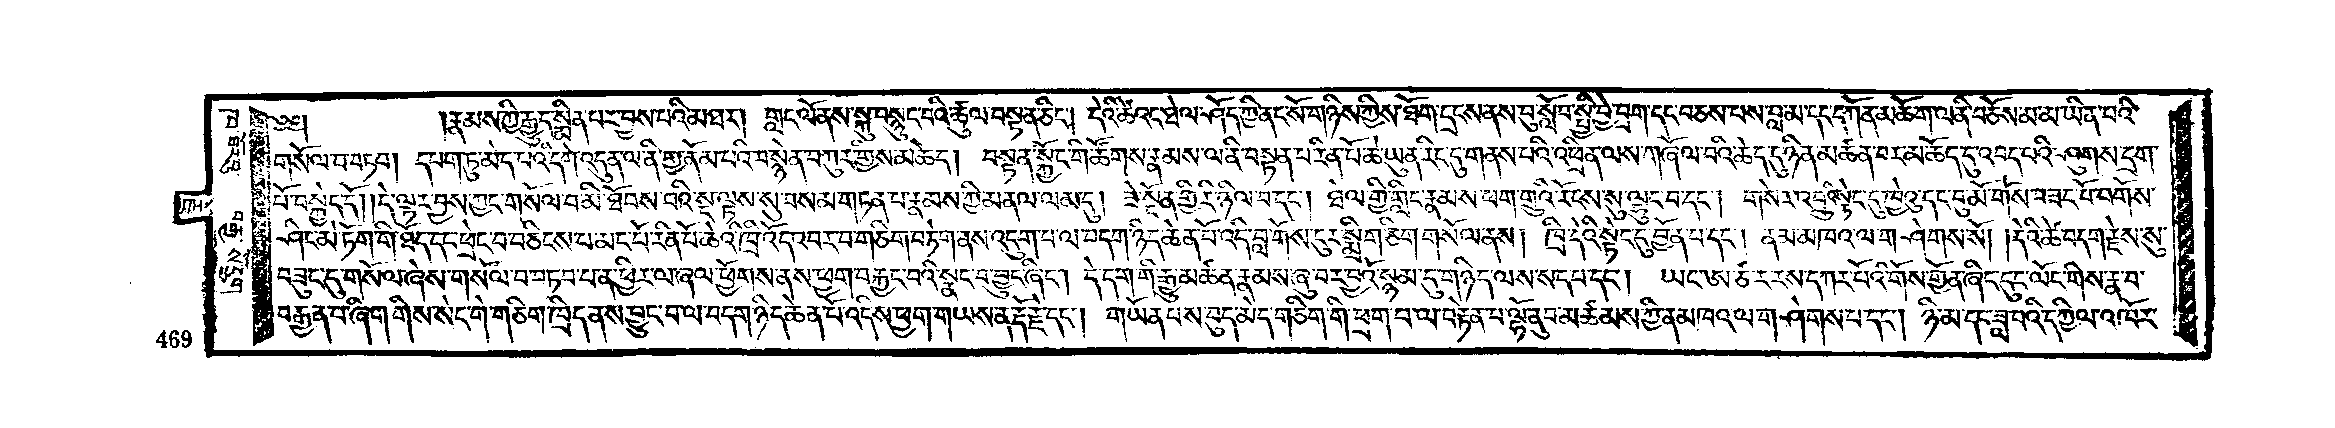༄༅། །རྣམས་ཀྱི་རྒྱུད་སྨིན་པར་བྱས་པའི་མཐར། གླང་ལོ་ནས་སྐུ་བསྙུང་བའི་ཚུལ་བསྟན་ཅིང་། དེའི་ཚེའང་ཐེལ་ཤོད་ཀྱི་ནང་སོ་གཉིས་ཀྱིས་ཐོག་དྲངས་ནས་བུ་སློབ་སྤྱི་བྱེ་བྲག་དང་བཅས་པས་བླ་མ་དང་དཀོན་མཆོག་ལ་ནི་བཅོས་མ་མ་ཡིན་པའི་
གསོལ་བ་བཏབ། དཔག་ཏུ་མེད་པའི་དགེ་འདུན་ལ་ནི་གྱ་ནོམ་པའི་བསྙེན་བཀུར་གྱིས་མཆོད། བསྟན་སྐྱོང་གི་ཚོགས་རྣམས་ལ་ནི་བསྟན་པ་རིན་པོ་ཆེ་ཡུན་རིང་དུ་གནས་པའི་འཕྲིན་ལས་གཞོལ་བའི་ཆེད་དུ་ཉིན་མཚན་བར་མ་ཆོད་དུ་འབད་པའི་ཤུགས་དྲག་
པོ་བསྐྱེད་དོ། །དེ་ལྟར་བྱས་ཀྱང་གསོལ་བ་མི་ཐེབས་པའི་སྔ་ལྟས་ས་བསམ་གཏན་པ་རྣམས་ཀྱི་མནལ་ལམ་དུ། ཟེ་སྔོན་གྱི་རི་ཉིལ་བ་དང་། ཐེལ་གྱི་གླིང་རྣམས་ཕག་གྲུའི་རོངས་སུ་ལྷུང་བ་དང་། གསེར་འབྲུའི་སྟེང་དུ་ཁྱེའུ་དང་བུ་མོ་གོས་བཟང་པོ་བགོས་
ཤིང་མེ་ཏོག་གི་ཐོད་དང་ཕྲེང་བ་བཅིངས་པ་མང་པོ་རིན་པོ་ཆེའི་ཁྲི་འོད་འབར་བ་གཅིག་བཏེག་ནས་འདུག་པ་ལ་བདག་ཉིད་ཆེན་པོ་འདི་བླ་གོས་ངུར་སྨྲིག་ཅིག་གསོལ་ནས། ཁྲི་དེའི་སྟེང་དུ་བྱོན་པ་དང་། ནམ་མཁའ་ལ་གཤེགས་སོ། །དེའི་ཚེ་བདག་རྗེས་སུ་
བཟུང་དུ་གསོལ་ཞེས་གསོལ་བ་བཏབ་པ་ན་ཕྱིར་ལ་ཞལ་ཕྱོགས་ནས་ཕྱག་བརྐྱང་བའི་སྣང་བ་བྱུང་ཞིང་། དེ་དག་གི་རྒྱུ་མཚན་རྣམས་ཞུ་བར་བྱའོ་སྙམ་དུ་གཉིད་ལས་སད་པ་དང་། ཡང་ཨ་ཙ་ར་རས་དཀར་པོའི་གོས་གྱོན་ཞིང་དུང་ལོང་གིས་རྣ་བ་
བརྒྱན་པ་ཞིག་གིས་སེང་གེ་གཅིག་ཁྲིད་ནས་བྱུང་བ་ལ་བདག་ཉིད་ཆེན་པོ་འདིས་ཕྱག་གཡས་ན་རྡོ་རྗེ་དང་། གཡོན་པས་བུད་མེད་གཅིག་གི་ཕྲག་པ་ལ་བརྟེན་པ་ལྷོ་ནུབ་མཚམས་ཀྱི་ནམ་མཁའ་ལ་གཤེགས་པ་དང་། ཉི་མ་དང་ཟླ་བའི་དཀྱིལ་འཁོར་